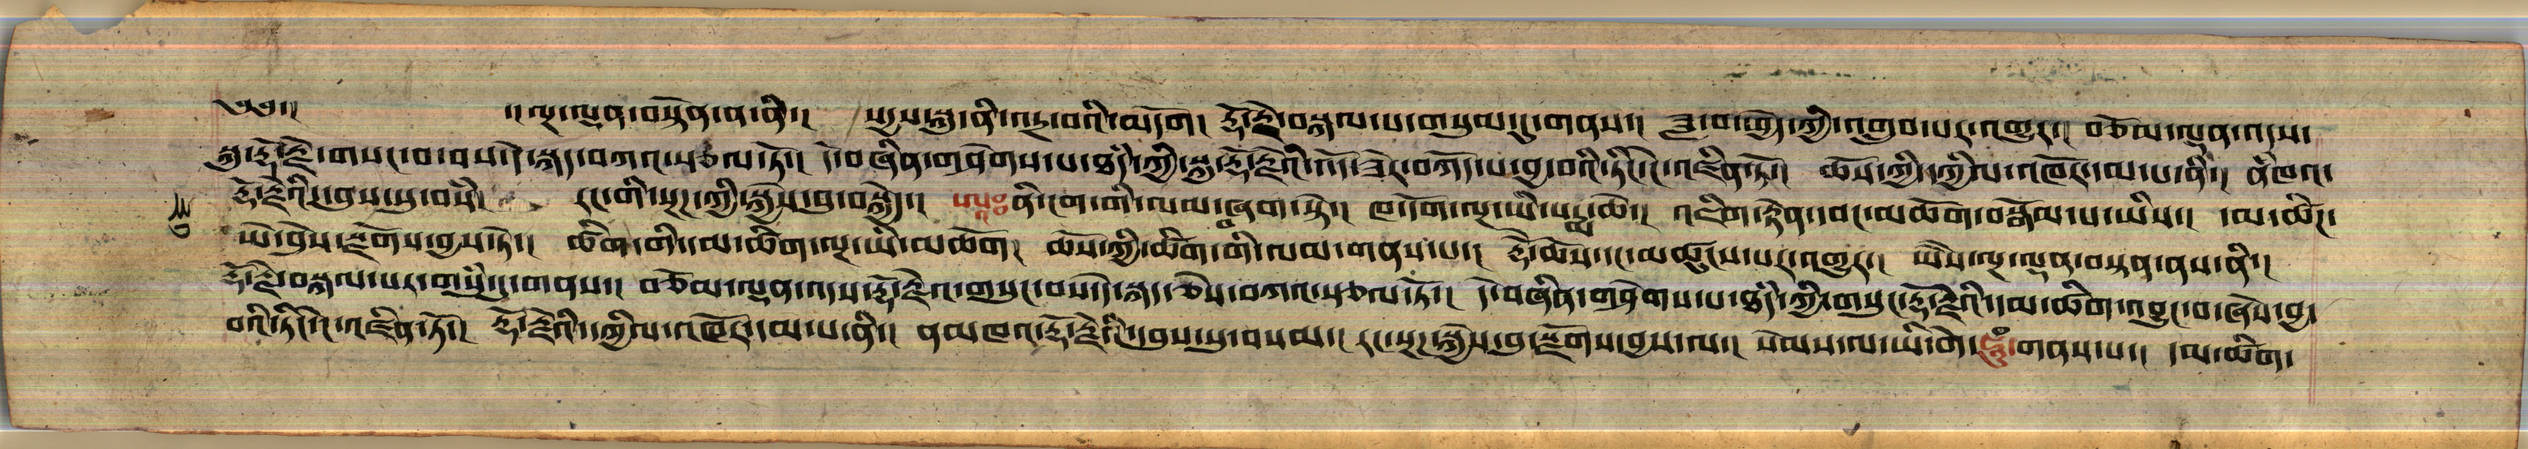༄༅་། ་།ལྔ་ལྡན་བསྟེན་ན་ནི་། སདྱས་སྐུ་ནི་འདྲ་བའི་མདོག། རྡོ་རྗེ་བསྐལ་པ་གསུམ་དུ་གནས་། ཟླ་བ་ཕྱེད་ཀྱི་འགྲུར་པར་འགྱུར་། བཅོམ་ལྡན་འདས་
སྐུ་རྡོ་རྗེ་གསང་བ་བས་དེ་སྐད་བཀའ་སྩལ་ཏོ་། དེ་བཞིན་གཤེགས་པ་ཐཾད་ཀྱི་སྐུ་རྡོ་རྗེའི་འོད་ཟེར་བཀོད་པ་བྱ་བའི་ཏིང་ངེ་འཛིན་ཏོ་། ཆོས་ཀྱི་དཀྱིལ་འཁོར་དམ་པ་ནི་། ནཾཁའ་
རྡོ་རྗེའི་དབུས་སུ་བསཾ་ རང་གི་སྔཌ་ཀྱི་སྐྱེས་བུ་བསྐྱེད་། ཨཱཿནི་ངག་གི་ལམ་བཞག་སྟེ་། ཁ་དོག་ལྔ་ཡི་པདྨ་ཆེ་། འཇིག་རྟེན་དབང་མཆོག་བསྒོམ་པ་ཡིས་། དམ་ཚིཌ་
ཡེ་ཤེས་སྫོགས་བྱས་ཏེ་། ཚིག་གི་དམ་ཚིག་ལྔ་ཡི་མཆོག། ཆོས་ཀྱི་ཚིག་གི་ལམ་གནས་པ་། རྡོེ་ཆོས་དང་མཚུངས་པར་འགྱུར་། ཡཻས་ལྔ་ལྡན་བསྟན་ནས་ནི་།
རྡོ་རྗེ་བསྐལ་པར་གསུཾ་དུ་གནས་། བཅོམ་ལྡན་འདས་རྡོ་རྗེའ་གསུང་བས་དེ་སྐད་ཅེས་བཀའ་སྩལ་ཏོ་། དེ་བཞིན་གཤེགས་པ་ཐཾད་ཀྱི་གསུང་རྡོ་རྗེའི་དམ་ཚིག་འབྱུང་བ་ཞེས་བྱ་
བའི་ཏིང་ངེ་འཛིན་ཏོ་། རྡོ་རྗེའི་དཀྱིལ་འཁོར་དམ་པ་ནི་། ནམཁའ་རྡོ་རྗེའི་དབུས་སུ་བསམ་། རང་སྔཌ་སྐྱེས་བུ་སྫོགས་བྱས་ལ་། སེམས་ལ་ཡི་གེ་ཧཱུཾ་གནས་པ་། དམ་ཚིག་